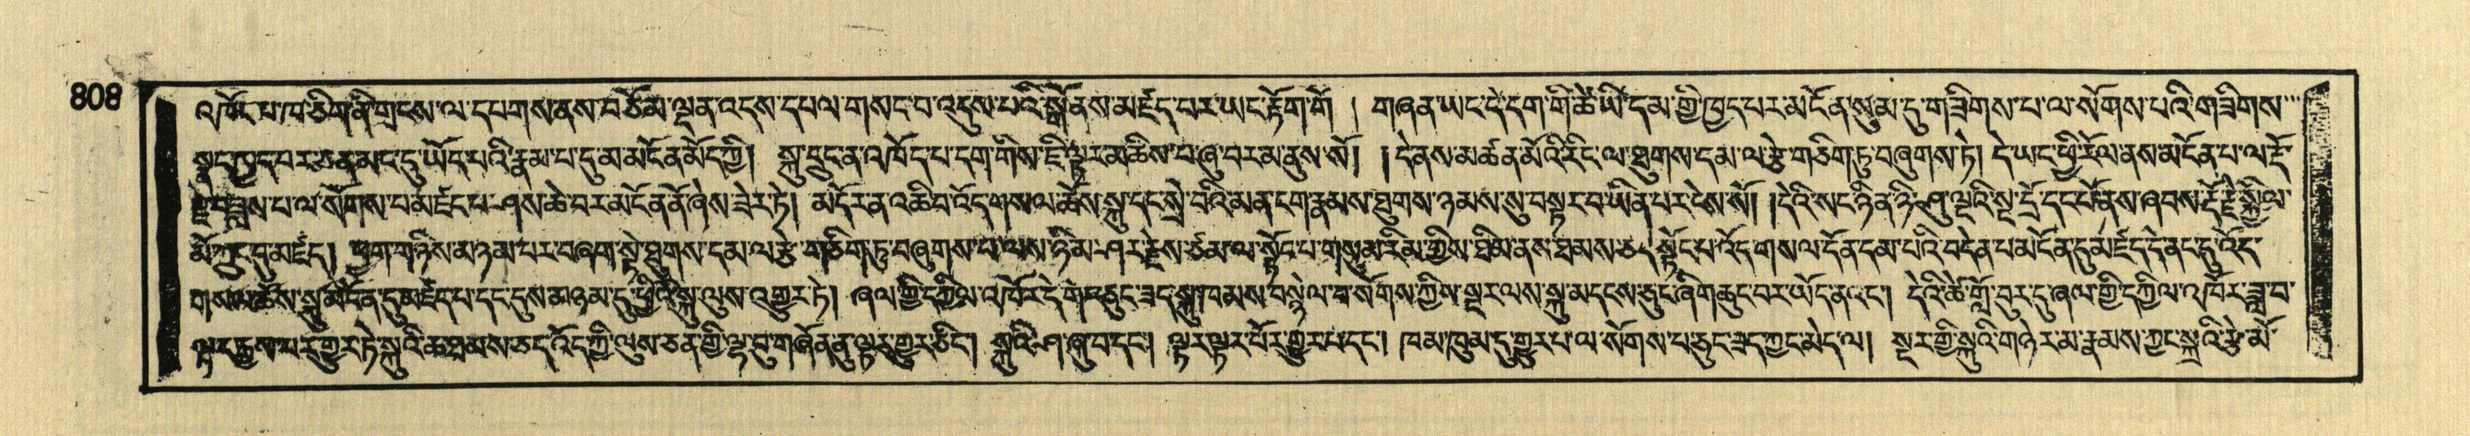འཁོང་པ་ཁ་ཅིག་ནི་གྲངས་ལ་དཔགས་ནས་བཅོམ་ལྡན་འདས་དཔལ་གསང་བ་འདུས་པའི་སྒོ་ནས་མཛད་པར་ཡང་རྟོག་གོ །གཞན་ཡང་དེ་དག་གི་ཚེ་ཡི་དམ་གྱི་ཁྱད་པར་མངོན་སུམ་དུ་གཟིགས་པ་ལ་སོགས་པའི་གཟིགས་
སྣང་ཁྱད་པར་ཅན་མང་དུ་ཡོད་པའི་རྣམ་པ་དུ་མ་མངོན་མོད་ཀྱི། སྐུ་དྲུང་ན་འཁོད་པ་དག་གིས་ཇི་ལྟར་མཆིས་པ་ཞུ་བར་མ་ནུས་སོ། །དེ་ནས་མཚན་མོའི་རིང་ལ་ཐུགས་དམ་ལ་རྩེ་གཅིག་ཏུ་བཞུགས་ཏེ། དེ་ཡང་ཕྱི་རོལ་ནས་མངོན་པ་ལ་རྡོ་
རྗེ་བཟླས་པ་ལ་སོགས་པ་མཛད་པ་ཤས་ཆེ་བར་མངོན་ནོ་ཞེས་ཟེར་ཏེ། མདོར་ན་འཆི་བ་འོད་གསལ་ཆོས་སྐུ་དང་སྲེ་བའི་མན་ངག་རྣམས་ཐུགས་ཉམས་སུ་བསྟར་བ་ཡིན་པར་ངེས་སོ། །དེའི་སང་ཉིན་ཉི་ཤུ་ལྔའི་སྔ་དྲོ་དང་པོ་ནས་ཞབས་རྡོ་རྗེ་སྐྱིལ་
མོ་ཀྲུང་དུ་མཛད། ཕྱག་གཉིས་མཉམ་པར་བཞག་སྟེ་ཐུགས་དམ་ལ་རྩེ་གཅིག་ཏུ་བཞུགས་པ་ལས་ཉི་མ་ཤར་རྗེས་ཙམ་ལ་སྟོང་པ་གསུམ་རིམ་གྱིས་ཐིམ་ནས་ཐམས་ཅད་སྟོང་པ་འོད་གསལ་དོན་དམ་པའི་བདེན་པ་མངོན་དུ་མཛད་དེ་ནང་དུ་འོད་
གསལ་ཆོས་སྐུ་མངོན་དུ་མཛད་པ་དང་དུས་མཉམ་དུ་ཕྱིའི་སྐུ་ལུས་འགྱུར་ཏེ། ཞལ་གྱི་དཀྱིལ་འཁོར་དེ་གང་ཅུང་ཟད་སྐུ་ཁམས་བསྙེལ་བ་སོགས་ཀྱིས་སྔར་ལས་སྐུ་མདངས་ཅུང་ཞིག་ཆུང་བར་ཡོད་ནའང་། དེའི་ཚེ་གློ་བུར་དུ་ཞལ་གྱི་དཀྱིལ་འཁོར་ཟླ་བ་
ལྟར་རྒྱས་པར་གྱུར་ཏེ་སྐུའི་ཆ་ཐམས་ཅད་འོད་ཀྱི་ལུས་ཅན་གྱི་ལྷ་བུ་གཞོན་ནུ་ལྟར་གྱུར་ཅིང་། སྐུའི་ཤ་ཞུ་བ་དང་། ལྟར་ལྟར་པོར་གྱུར་པ་དང་། ཁམ་ཁུམ་དུ་གྱུར་པ་ལ་སོགས་པ་ཅུང་ཟད་ཀྱང་མེད་ལ། སྔར་གྱི་སྐུའི་གཉེར་མ་རྣམས་ཀྱང་སྐྲའི་རྩེ་མོ་